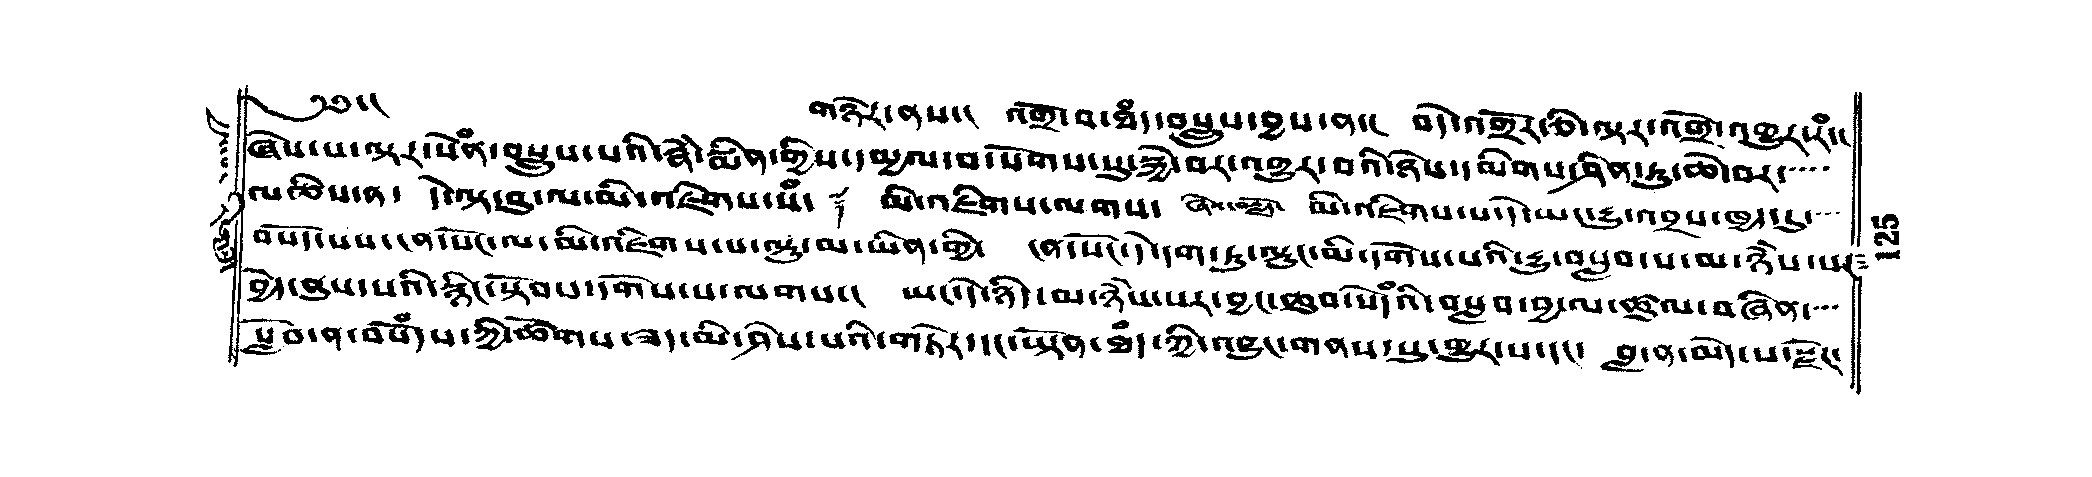གཉེར་ནས། འགྲོ་བ་ཐམས་ཅད་བསླུས་བྱས་ན། བདེ་འགྲོ་ཅི་ལྟར་འགྲོ་འགྱུར་རམ། 
ཞེས་པ་ལྟར་སེམས་ཅན་བསླུས་པའི་རྣམ་སྨིན་གྱིས་དམྱལ་བ་སོགས་སུ་སྐྱེ་བར་འགྱུར་བའི་ཉེས་དམིགས་ཤིན་ཏུ་ཆེ་བར་
མཆིས་ན། དེ་ལྟ་བུ་ལ་མི་འཇིགས་སམ། ༈ མི་འཇིགས་ལ་གས། ཞེས་བརྗོད། མི་འཇིགས་པ་དེ་ཡང་རྒྱུ་འབྲས་ཁྱད་དུ་
བསོད་པས་ངན་སོང་ལ་མི་འཇིགས་པ་ལྟ་བུ་མ་ཡིན་གྱི། ངན་སོང་དེ་དག་ཏུ་ལྟུང་མི་དགོས་པའི་རྒྱུ་བསླབ་པ་མ་ཉམས་པར་
བྱེད་ནུས་པའི་སྙིང་སྟོབ་དགོས་པ་ལགས། ཡང་དེ་ཉིད་མ་ཉམས་པར་བྱང་ཆུབ་སེམས་དཔའི་བསླབ་བྱ་ལ་ཚུལ་བཞིན་
སློབ་ན་བསོད་ནམས་ཀྱི་ཚོགས་ཟད་མི་ཤེས་པའི་གཏེར་དང་ཡོན་ཏན་ཐམས་ཅད་ཀྱི་འབྱུང་གནས་སུ་གྱུར་པ་དང་།བླ་ན་མེད་པ་རྫོགས་